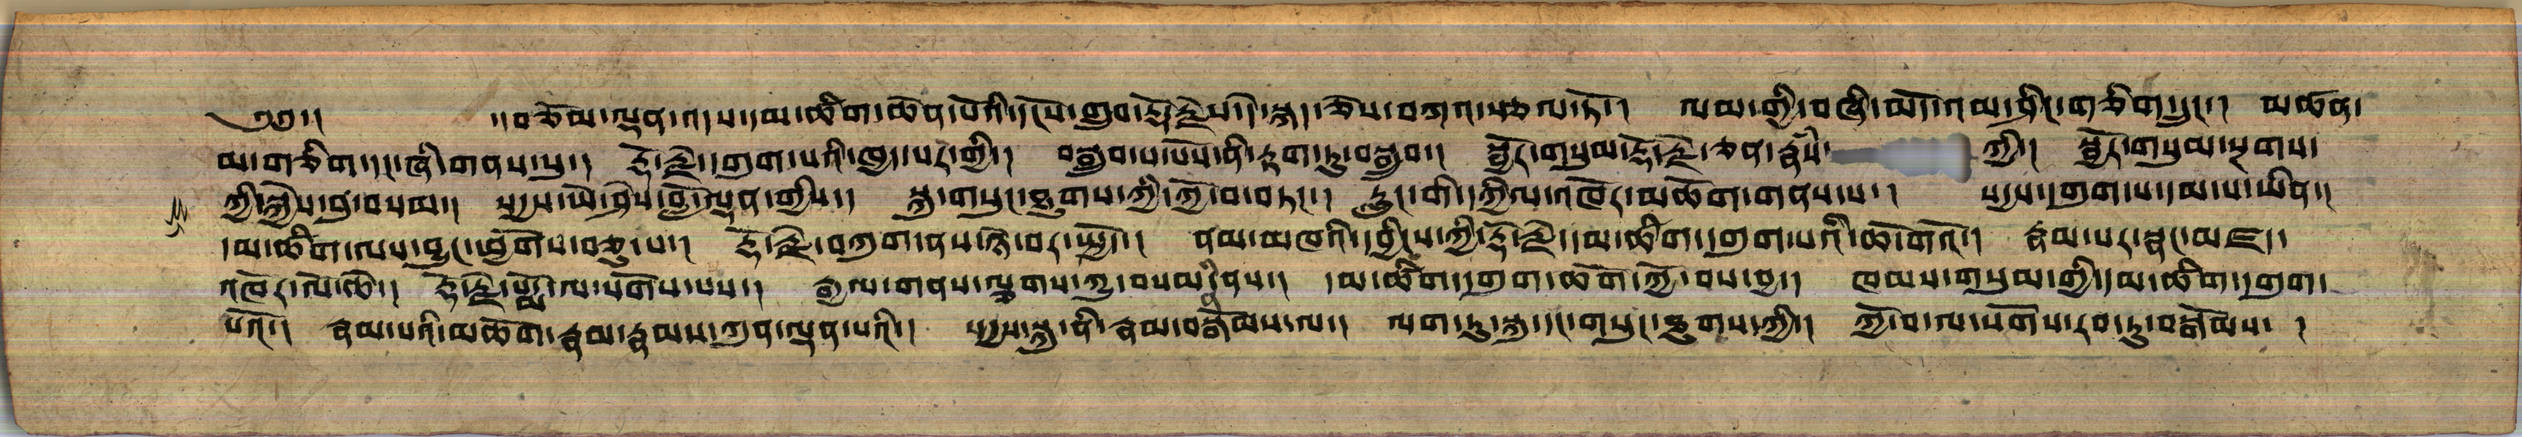༄༅་། ་།བཅོམ་ལྡན་འདས་དམ་ཚིག་ཆེན་པོའི་དངོས་གྲུབ་རྡོ་རྗེས་དེ་སྐད་ཅེས་བཀའ་སྩལ་ཏོ་། ལམ་གྱི་བཞི་མདོ་འམ་ཤིང་གཅིག་དྲུང་། མཚན་
མ་གཅིག་དང་ཞི་གནས་སུ་། རྡོ་རྗེ་དགུག་པའི་ཁྱད་པར་གྱི་། བསྒྲུབ་པ་པོས་ནི་རྟག་ཏུ་བསྒྲུབ་། སྦྱོར་གསུམ་རྡོ་རྗེ་ཅན་རྣཾས་ ཀྱི་། སྦྱོར་གསུམ་སྔགས་
ཀྱི་སྐྱེས་བུ་བསམ་། སདྱས་ཡེ་ཤེས་བློ་ལྡན་གྱིས་། སྐུ་གསུང་ཐུགས་ཀྱི་ཀྱོ་བ་བཏང་། རླུང་གི་དཀྱིལ་འཁོར་མཆོག་གནས་པ་། སདྱས་དགུག་པ་དམ་པ་ཡིན་།
དམ་ཚིག་ལས་བྱུང་ཕྱོགས་བཅུ་པ་།། རྡོ་རྗེ་བཀུག་ནས་ཉེ་བར་སྤྱོད་། ནམ་མཁའི་དབྱིངས་ཀྱི་རྡོ་རྗེ་དམ་ཚིག་དགུག་པའི་ཆོ་གའོ་། རྣམ་པར་སྣང་མཛད་
འཁོར་ལོ་ཆེ་། རྡོ་རྗེ་པདྨོ་ལ་སོགས་པས་། རྒྱལ་གནས་ལྕགས་ཀྱུ་བསམ་ནི་ནས་། དམ་ཚིག་དགུག་ཆོག་ཀྱོ་བས་བྱ་། ཁམས་གསུམ་གྱི་དམ་ཚིག་དགུག་
པའོ་། རྣམ་པའི་མཆོག་རྣམ་རྣམས་ཀུན་ལྡན་པའི་། སདྱས་སྐུ་ནི་རྣམ་བསྒོམས་ལ་། ལག་ཏུ་སྐུ་དང་གསུང་ཐུགས་ཀྱི་། ཀྱོ་བ་ལ་སོགས་རབ་ཏུ་བསྒོམས་